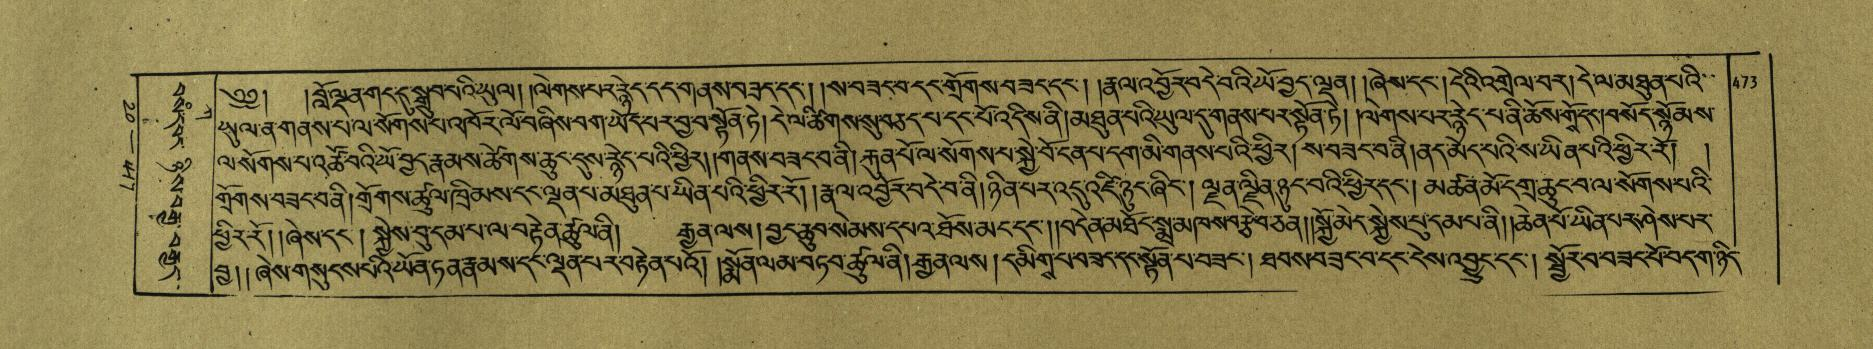༄༅། །བློ་ལྡན་གང་དུ་སྒྲུབ་པའི་ཡུལ། །ལེགས་པར་རྙེད་དང་གནས་བཟད་དང་། །ས་བཟང་བ་དང་གྲོགས་བཟང་དང་། །རྣལ་འབྱོར་བདེ་བའི་ཡོ་བྱད་ལྡན། །ཞེས་དང་། དེའི་འགྲེལ་བར། དེ་ལ་མཐུན་པའི་
ཡུལ་ན་གནས་པ་ལ་སོགས་པ་འཁོར་ལོ་བཞིས་བག་ཡོད་པར་བྱ་བ་སྟོན་ཏེ། དེ་ལ་ཚིགས་སུ་བཅད་པ་དང་པོ་འདིས་ནི། མཐུན་པའི་ཡུལ་དུ་གནས་པར་སྟོན་ཏེ། །ལེགས་པར་རྙེད་པ་ནི་ཆོས་གོས་དང་། བསོད་སྙོམས་
ལ་སོགས་པ་འཚོ་བའི་ཡོ་བྱད་རྣམས་ཚེགས་ཆུང་དུས་རྙེད་པའི་ཕྱིར། །གནས་བཟང་བ་ནི། རྐུན་པོ་ལ་སོགས་པ་སྐྱེ་བོ་ངན་པ་དག་མི་གནས་པའི་ཕྱིར། ས་བཟང་བ་ནི། ནད་མེད་པའི་ས་ཡིན་པའི་ཕྱིར་རོ། །
གྲོགས་བཟང་བ་ནི། གྲོགས་ཚུལ་ཁྲིམས་དང་ལྡན་པ་མཐུན་པ་ཡིན་པའི་ཕྱིར་རོ། །རྣལ་འབྱོར་བདེ་བ་ནི། ཉིན་པར་འདུ་འཛི་ཉུང་ཞིང་། ལྗན་ལྗིན་ཉུང་བའི་ཕྱིར་དང་། མཚན་མོ་དགྲ་ཆུང་བ་ལ་སོགས་པའི་
ཕྱིར་རོ། །ཞེས་དང་། སྐྱེས་བུ་དམ་པ་ལ་བརྟེན་ཚུལ་ནི། རྒྱལ་ལས། བྱང་ཆུབ་སེམས་དཔའ་ཐོས་མང་དང་། །བདེན་མཐོང་སྨྲ་མཁས་བརྩེ་བ་ཅན། །སྐྱོ་མེད་སྐྱེས་པུ་དམ་པ་ནི། །ཆེན་པོ་ཡིན་པར་ཤེས་པར་
བྱ། །ཞེས་གསུངས་པའི་ཡོན་ཏན་རྣམས་དང་ལྡན་པར་བརྟེན་པའོ། །སྨོན་ལམ་བཏབ་ཚུལ་ནི། རྒྱན་ལས། དམིགས་པ་བཟང་དང་སྟོན་པ་བཟང་། ཐབས་བཟང་བ་དང་ངེས་འབྱུང་དང་། སྦྱོར་བ་བཟང་པོ་བདག་ཉིད་